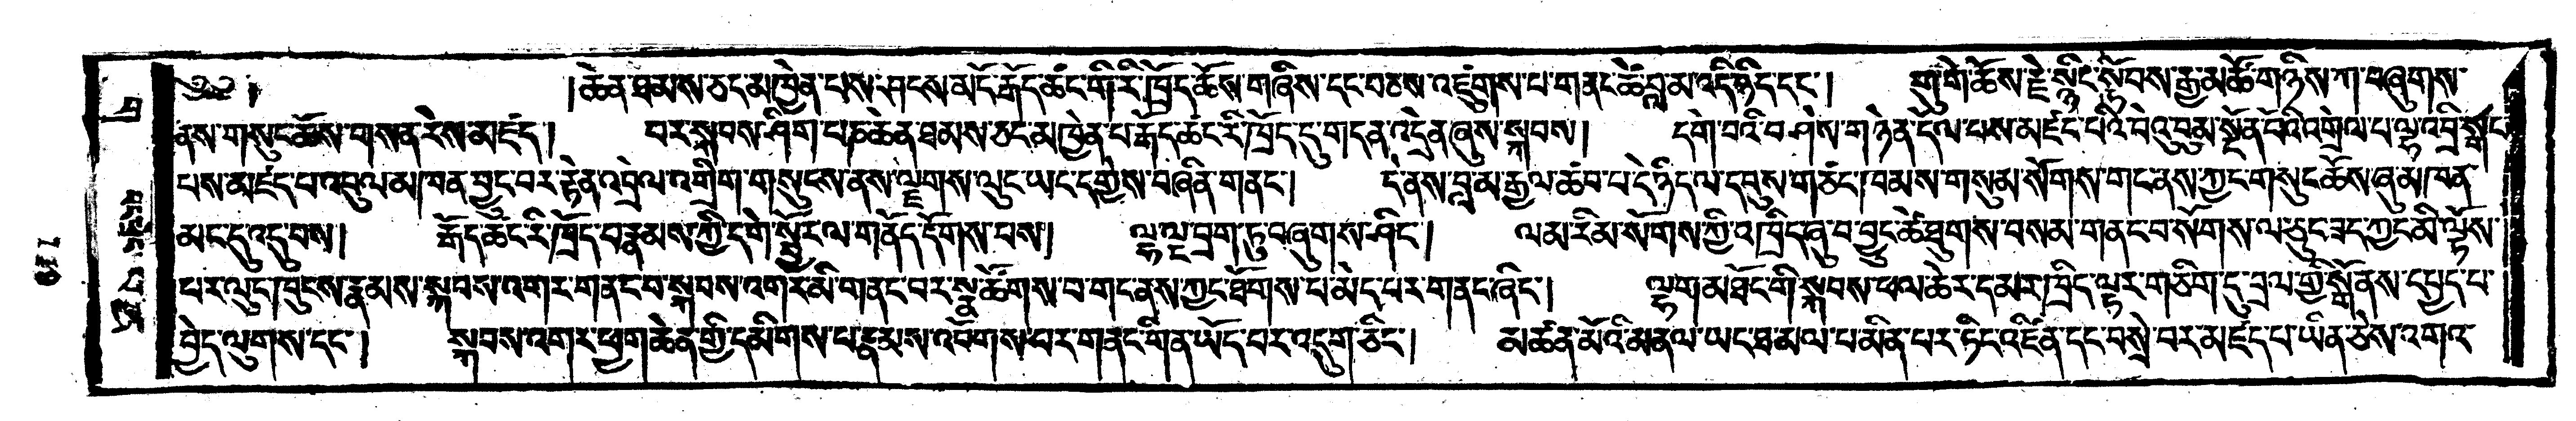༄༅། །ཆེན་ཐམས་ཅད་མཁྱེན་པས་ཤངས་མདོ་རྒོད་ཚང་གི་རི་ཁྲོད་ཆོས་གཞིས་དང་བཅས་འཛུགས་པ་གནང་ཚེ་བླ་མ་འདི་ཉིད་དང་། གུ་གེ་ཆོས་རྗེ་སྙིང་སྟོབས་རྒྱ་མཚོ་གཉིས་ཀ་བཞུགས་
ནས་གསུང་ཆོས་གསན་རེས་མཛད། བར་སྐབས་ཤིག་པཎ་ཆེན་ཐམས་ཅད་མཁྱེན་པ་རྒོད་ཚང་རི་ཁྲོད་དུ་གདན་འདྲེན་ཞུས་སྐབས། དགེ་བའི་བཤེས་གཉེན་དོལ་པས་མཛད་པའི་བེའུ་བུམ་སྔོན་པོའི་འགྲེལ་པ་ལྷ་འབྲི་སྒང་
པས་མཛད་པ་འབུལ་མཁན་བྱུང་བར་རྟེན་འབྲེལ་འགྲིག་གསུངས་ནས་ལྗགས་ལུང་ཡང་དགྱེས་བཞིན་གནང་། དེ་ནས་བླ་མ་རྒྱལ་ཚབ་པ་དེ་ཉིད་ལ་དབུས་གཙང་ཁམས་གསུམ་སོགས་གནང་ནས་ཀྱང་གསུང་ཆོས་ཞུ་མཁན་
མང་དུ་འདུ་བས། རྒོད་ཚང་རི་ཁྲོད་པ་རྣམས་ཀྱི་དགེ་སྦྱོར་ལ་གནོད་དོགས་པས། ལྷ་ལྔ་བྲག་ཏུ་བཞུགས་ཤིང་། ལམ་རིམ་སོགས་ཀྱི་འཁྲིད་ཞུ་བ་བྱུང་ཚེ་ཐུགས་བསམ་གནང་བ་སོགས་ལ་ཅུང་ཟད་ཀྱང་མི་ལྟོས་
པར་ལུང་ཁུངས་རྣམས་སྐབས་འགར་གནང་བ་སྐབས་འགར་མི་གནང་བར་སྣ་ཚོགས་པ་གང་ནས་ཀྱང་ཐོགས་པ་མེད་པར་གནང་ཞིང་། ལྷག་མཐོང་གི་སྐབས་ཕལ་ཆེར་དམར་ཁྲིད་ལྟར་གཅིག་དུ་བྲལ་གྱི་སྒོ་ནས་དཔྱད་པ་
བྱེད་ལུགས་དང་། སྐབས་འགར་ཕྱག་ཆེན་གྱི་དམིགས་པ་རྣམས་འབོགས་པར་གནང་གིན་ཡོད་པར་འདུག་ཅིང་། མཚན་མོའི་མནལ་ཡང་ཐ་མལ་པ་མིན་པར་ཏིང་འཛིན་དང་བསྲེ་བར་མཛད་པ་ཡིན་ཅེས་འགའ་